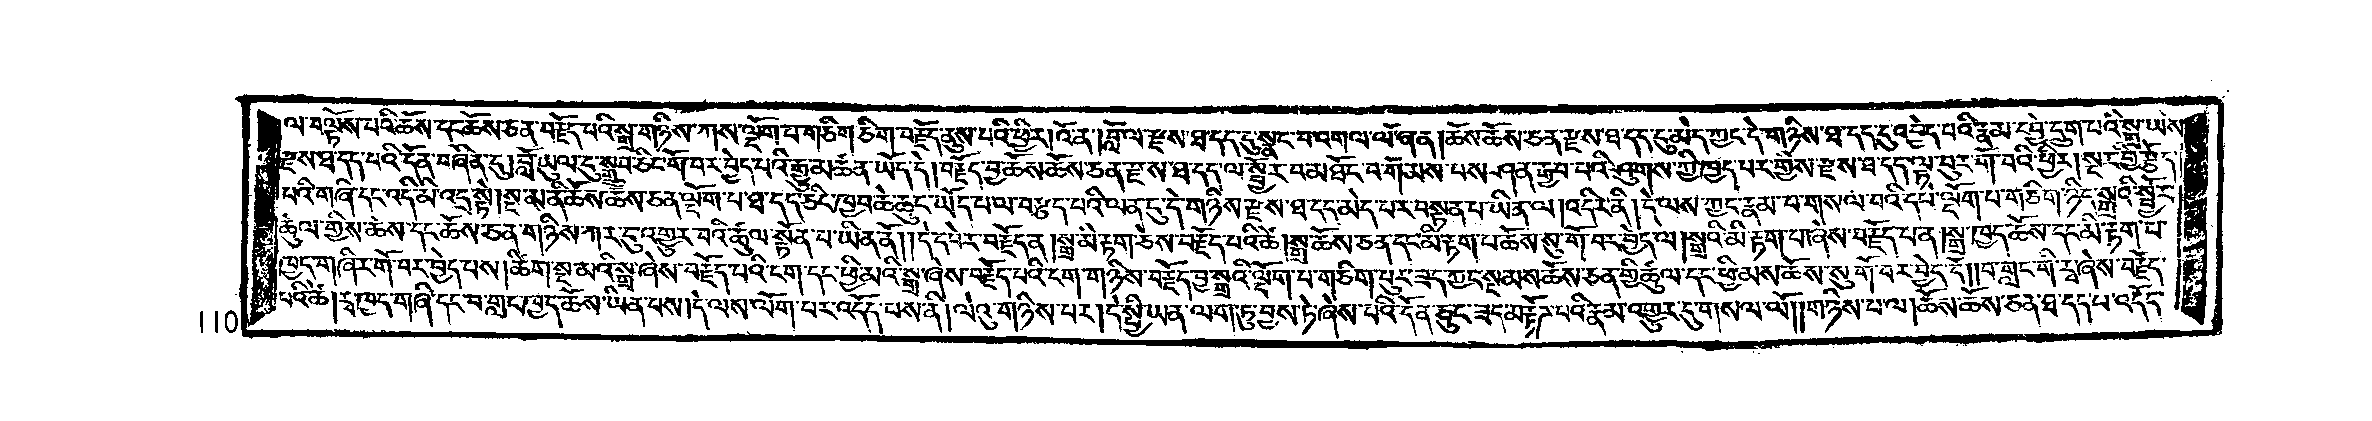ལ་བལྟོས་པའི་ཆོས་དང་ཆོས་ཅན་བརྗོད་པའི་སྒྲ་གཉིས་ཀས་ལྡོག་པ་གཅིག་ཅིག་བརྗོད་ནུས་པའི་ཕྱིར། འོ་ན། བློ་ལ་རྫས་ཐ་དད་དུ་སྣང་བ་འགལ་ལོ་ཞན། ཆོས་ཆོས་ཅན་རྫས་ཐ་དད་དུ་མེད་ཀྱང་དེ་གཉིས་ཐ་དད་དུ་འབྱེད་པའི་རྣམ་དབྱེ་དྲུག་པའི་སྒྲ་ཡིས་
རྫས་ཐ་དད་པའི་དོན་བཞིན་དུ། བློ་ཡུལ་དུ་སྒྲུབ་ཅིང་གོ་བར་བྱེད་པའི་རྒྱུ་མཚན་ཡོད་དེ། བརྗོད་བྱ་ཆོས་ཆོས་ཅན་རྫས་ཐ་དད་ལ་སྦྱོར་བ་མཐོང་བ་གོམས་པས་ཤན་རྒྱབ་པའི་ཤུགས་ཀྱི་ཁྱད་པར་གྱིས་རྫས་ཐ་དད་ལྟ་བུར་གོ་བའི་ཕྱིར། སྔར་གྱི་རྩོད་
པའི་གཞི་དང་འདི་མི་འདྲ་སྟེ། སྔ་མ་ནི་ཆོས་ཆོས་ཅན་ལྡོག་པ་ཐ་དད་ཅིང་ཁྱབ་ཆེ་ཆུང་ཡོད་པ་ལ་བརྩད་པའི་ལན་དུ་དེ་གཉིས་རྫས་ཐ་དད་མེད་པར་བསྟན་པ་ཡིན་ལ། འདིར་ནི། དེ་ལས་ཀྱང་རྣམ་པ་གསལ་བའི་དཔེ་ལྡོག་པ་གཅིག་ཉིད་སྒྲའི་སྦྱོར་
ཚུལ་གྱིས་ཆོས་དང་ཆོས་ཅན་གཉིས་ཀར་དུ་འགྱུར་བའི་ཚུལ་སྟོན་པ་ཡིན་ནོ། །དེ་དཔེར་བརྗོད་ན། སྒྲ་མི་རྟག་ཅེས་བརྗོད་པའི་ཚེ། སྒྲ་ཆོས་ཅན་དང་མི་རྟག་པ་ཆོས་སུ་གོ་བར་བྱེད་ལ། སྒྲའི་མི་རྟག་པ་ཞེས་བརྗོད་པ་ན། སྒྲ་ཁྱད་ཆོས་དང་མི་རྟག་པ་
ཁྱད་གཞིར་གོ་བར་བྱེད་པས། ཚིག་སྔ་མའི་སྒྲ་ཞེས་བརྗོད་པའི་ངག་དང་ཕྱི་མའི་སྒྲ་ཞེས་བརྗོད་པའི་ངག་གཉིས་བརྗོད་བྱ་སྒྲའི་ལྡོག་པ་གཅིག་པུར་ཟད་ཀྱང་སྔ་མས་ཆོས་ཅན་གྱི་ཚུལ་དང་ཕྱི་མས་ཆོས་སུ་གོ་བར་བྱེད་དོ། །བ་གླང་གི་རྭ་ཞེས་བརྗོད་
པའི་ཚེ། རྭ་ཁྱད་གཞི་དང་བ་གླང་ཁྱད་ཆོས་ཡིན་པས། དེ་ལས་ལོག་པར་འདོད་པས་ནི། ལེའུ་གཉིས་པར། དེ་སྤྱི་ཡན་ལག་ཏུ་བྱས་ཏེ་ཞེས་པའི་དོན་ཅུང་ཟད་མ་རྟོགས་པའི་རྣམ་འགྱུར་དུ་གསལ་ལོ། །གཉིས་པ་ལ། ཆོས་ཆོས་ཅན་ཐ་དད་པ་འདོད་